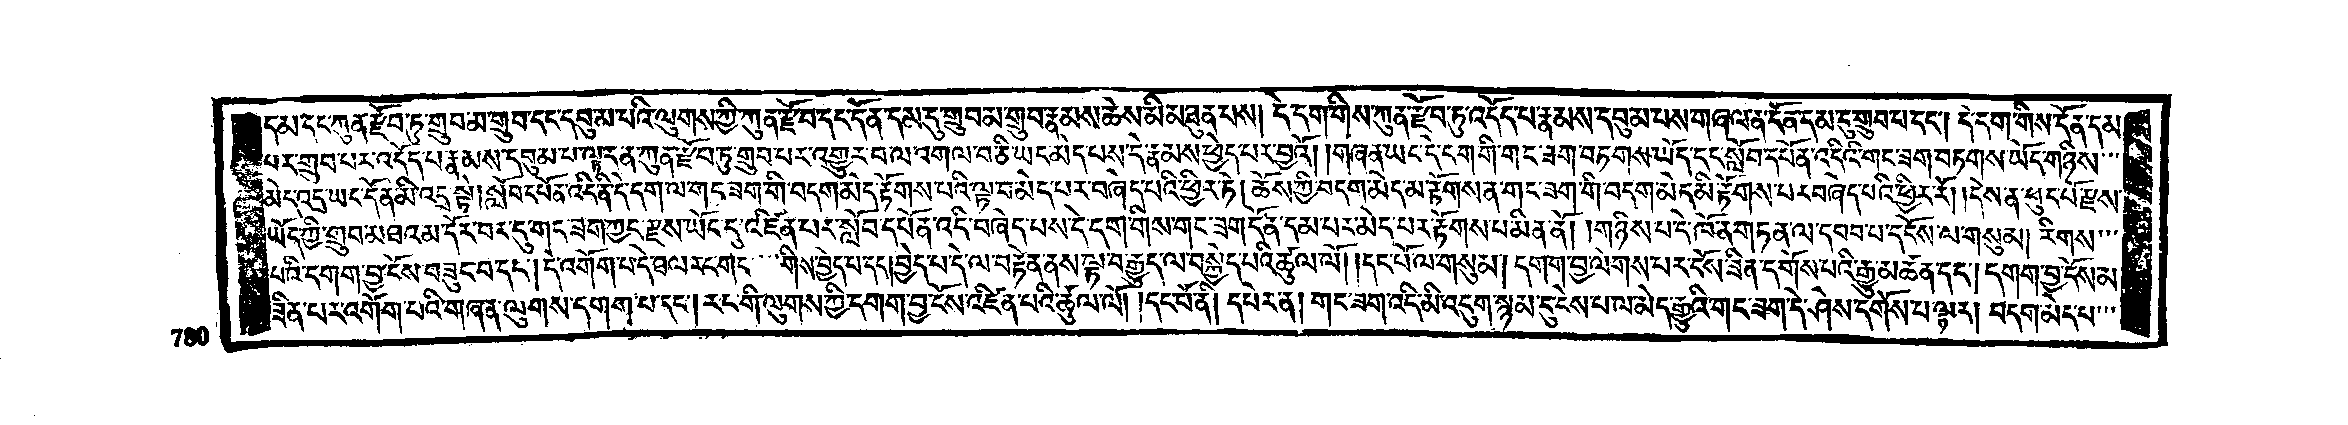དམ་དང་ཀུན་རྫོབ་ཏུ་གྲུབ་མ་གྲུབ་དང་དབུ་མ་པའི་ལུགས་ཀྱི་ཀུན་རྫོབ་དང་དོན་དམ་དུ་གྲུབ་མ་གྲུབ་རྣམས་ཆེས་མི་མཐུན་པས། དེ་དག་གིས་ཀུན་རྫོབ་ཏུ་འདོད་པ་རྣམས་དབུ་མ་པས་གཞལ་ན་དོན་དམ་དུ་གྲུབ་པ་དང་། དེ་དག་གིས་དོན་དམ་
པར་གྲུབ་པར་འདོད་པ་རྣམས་དབུ་མ་པ་ལྟར་ན་ཀུན་རྫོབ་ཏུ་གྲུབ་པར་འགྱུར་བ་ལ་འགལ་བ་ཅི་ཡང་མེད་པས་དེ་རྣམས་ཕྱེད་པར་བྱའོ། །གཞན་ཡང་དེ་དག་གི་གང་ཟག་བཏགས་ཡོད་དང་སློབ་དཔོན་འདིའི་གང་ཟག་བཏགས་ཡོད་གཉིས་
མིང་འདྲ་ཡང་དོན་མི་འདྲ་སྟེ། སློབ་དཔོན་འདི་ནི་དེ་དག་ལ་གང་ཟག་གི་བདག་མེད་རྟོགས་པའི་ལྟ་བ་མེད་པར་བཞེད་པའི་ཕྱིར་ཏེ། ཆོས་ཀྱི་བདག་མེད་མ་རྟོགས་ན་གང་ཟག་གི་བདག་མེད་མི་རྟོགས་པར་བཞེད་པའི་ཕྱིར་རོ། །དེས་ན་ཕུང་པོ་རྫས་
ཡོད་ཀྱི་གྲུབ་མཐའ་མ་དོར་བར་དུ་གང་ཟག་ཀྱང་རྫས་ཡོད་དུ་འཛིན་པར་སློབ་དཔོན་འདི་བཞེད་པས་དེ་དག་གིས་གང་ཟག་དོན་དམ་པར་མེད་པར་རྟོགས་པ་མིན་ནོ། །གཉིས་པ་དེ་ཁོ་ན་གཏན་ལ་དབབ་པ་དངོས་ལ་གསུམ། རིགས་
པའི་དགག་བྱ་ངོས་བཟུང་བ་དང་། དེ་འགོག་པ་དེ་ཐལ་རང་གང་གིས་བྱེད་པ་དང་། བྱེད་པ་དེ་ལ་བརྟེན་ནས་ལྟ་བ་རྒྱུད་ལ་བསྐྱེད་པའི་ཚུལ་ལོ། །དང་པོ་ལ་གསུམ། དགག་བྱ་ལེགས་པར་ངོས་ཟིན་དགོས་པའི་རྒྱུ་མཚན་དང་། དགག་བྱ་ངོས་མ་
ཟིན་པར་འགོག་པའི་གཞན་ལུགས་དགག་པ་དང་། རང་གི་ལུགས་ཀྱི་དགག་བྱ་ངོས་འཛིན་པའི་ཚུལ་ལོ། །དང་པོ་ནི། དཔེར་ན། གང་ཟག་འདི་མི་འདུག་སྙམ་དུ་ངེས་པ་ལ་མེད་རྒྱུའི་གང་ཟག་དེ་ཤེས་དགོས་པ་ལྟར། བདག་མེད་པ་